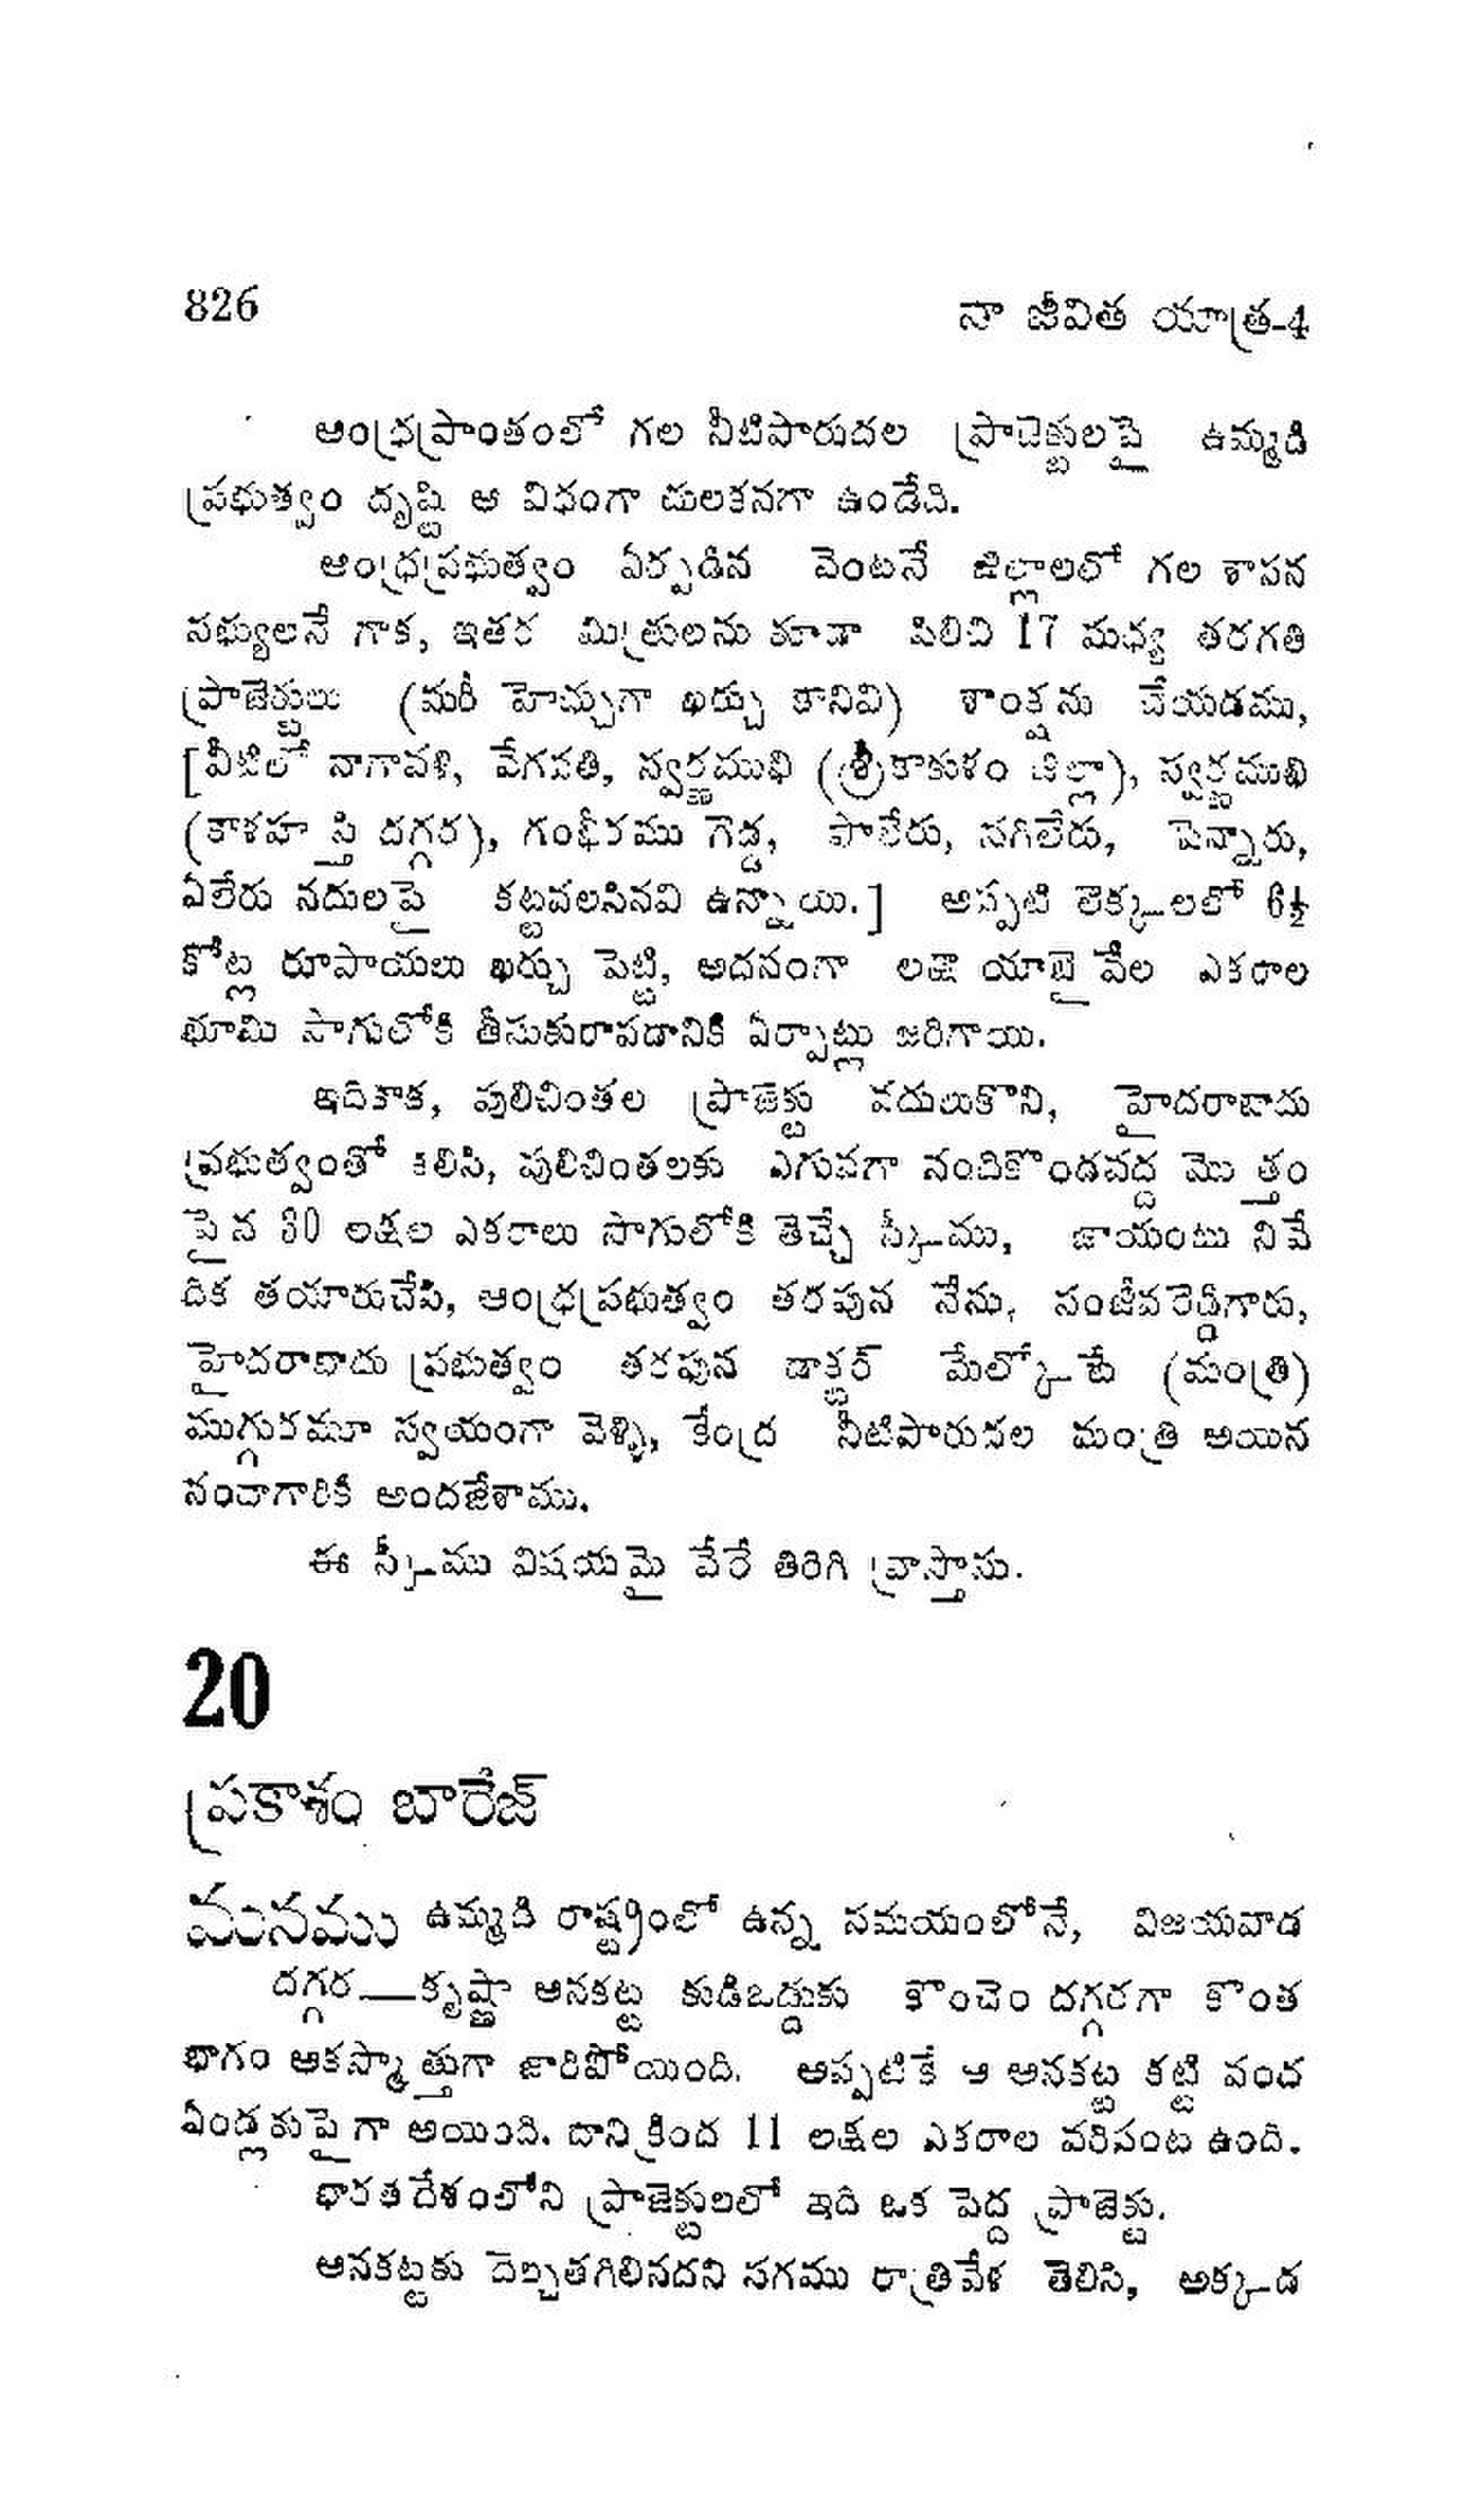ఆంధ్రప్రాంతంలో గల నీటిపారుదల ప్రాజెక్టులపై ఉమ్మడి ప్రభుత్వం దృష్టి ఆ విధంగా చులకనగా ఉండేది.

ఆంధ్రప్రభుత్వం ఏర్పడిన వెంటనే జిల్లాలలో గల శాసన సభ్యులనే గాక, ఇతర మిత్రులను కూడా పిలిచి 17 మధ్య తరగతి ప్రాజెక్టులు (మరీ హెచ్చుగా ఖర్చు కానివి) శాంక్షను చేయడము, [వీటిలో నాగావళి, వేగవతి, స్వర్ణముఖి (శ్రీకాకుళం జిల్లా), స్వర్ణముఖి (కాళహస్తి దగ్గర), గంభీరము గెడ్డ, పాలేరు, నగిలేరు, పెన్నారు, ఏలేరు నదులపై కట్టవలసినవి ఉన్నాయి.] అప్పటి లెక్కలలో 6 1/2 కోట్ల రూపాయలు ఖర్చు పెట్టి, అదనంగా లక్షా యాభై వేల ఎకరాల భూమి సాగులోకి తీసుకురావడానికి ఏర్పాట్లు జరిగాయి.

ఇదికాక, పులిచింతల ప్రాజెక్టు వదులుకొని, హైదరాబాదు ప్రభుత్వంతో కలిసి, పులిచింతలకు ఎగువగా నందికొండవద్ద మొత్తంపైన 30 లక్షల ఎకరాలు సాగులోకి తెచ్చే స్కీము, జాయంటు నివేదిక తయారుచేసి, ఆంధ్రప్రభుత్వం తరపున నేను, సంజీవరెడ్డిగారు, హైదరాబాదు ప్రభుత్వం తరపున డాక్టర్ మేల్కోటే (మంత్రి) ముగ్గురమూ స్వయంగా వెళ్ళి, కేంద్ర నీటిపారుదల మంత్రి అయిన నందాగారికి అందజేశాము.

ఈ స్కీము విషయమై వేరే తిరిగి వ్రాస్తాను.

మనము ఉమ్మడి రాష్ట్రంలో ఉన్న సమయంలోనే, విజయవాడ దగ్గర - కృష్ణా ఆనకట్ట కుడిఒడ్డుకు కొంచెం దగ్గరగా కొంత భాగం అకస్మాత్తుగా జారిపోయింది. అప్పటికే ఆ అనకట్ట కట్టి వంద ఏండ్లకుపైగా అయింది. దాని క్రింద 11 లక్షల ఎకరాల వరిపంట ఉంది.

భారత దేశంలోని ప్రాజెక్టులలో ఇది ఒక పెద్ద ప్రాజెక్టు.

ఆనకట్టకు దెబ్బతగిలినదని సగము రాత్రివేళ తెలిసి, అక్కడ